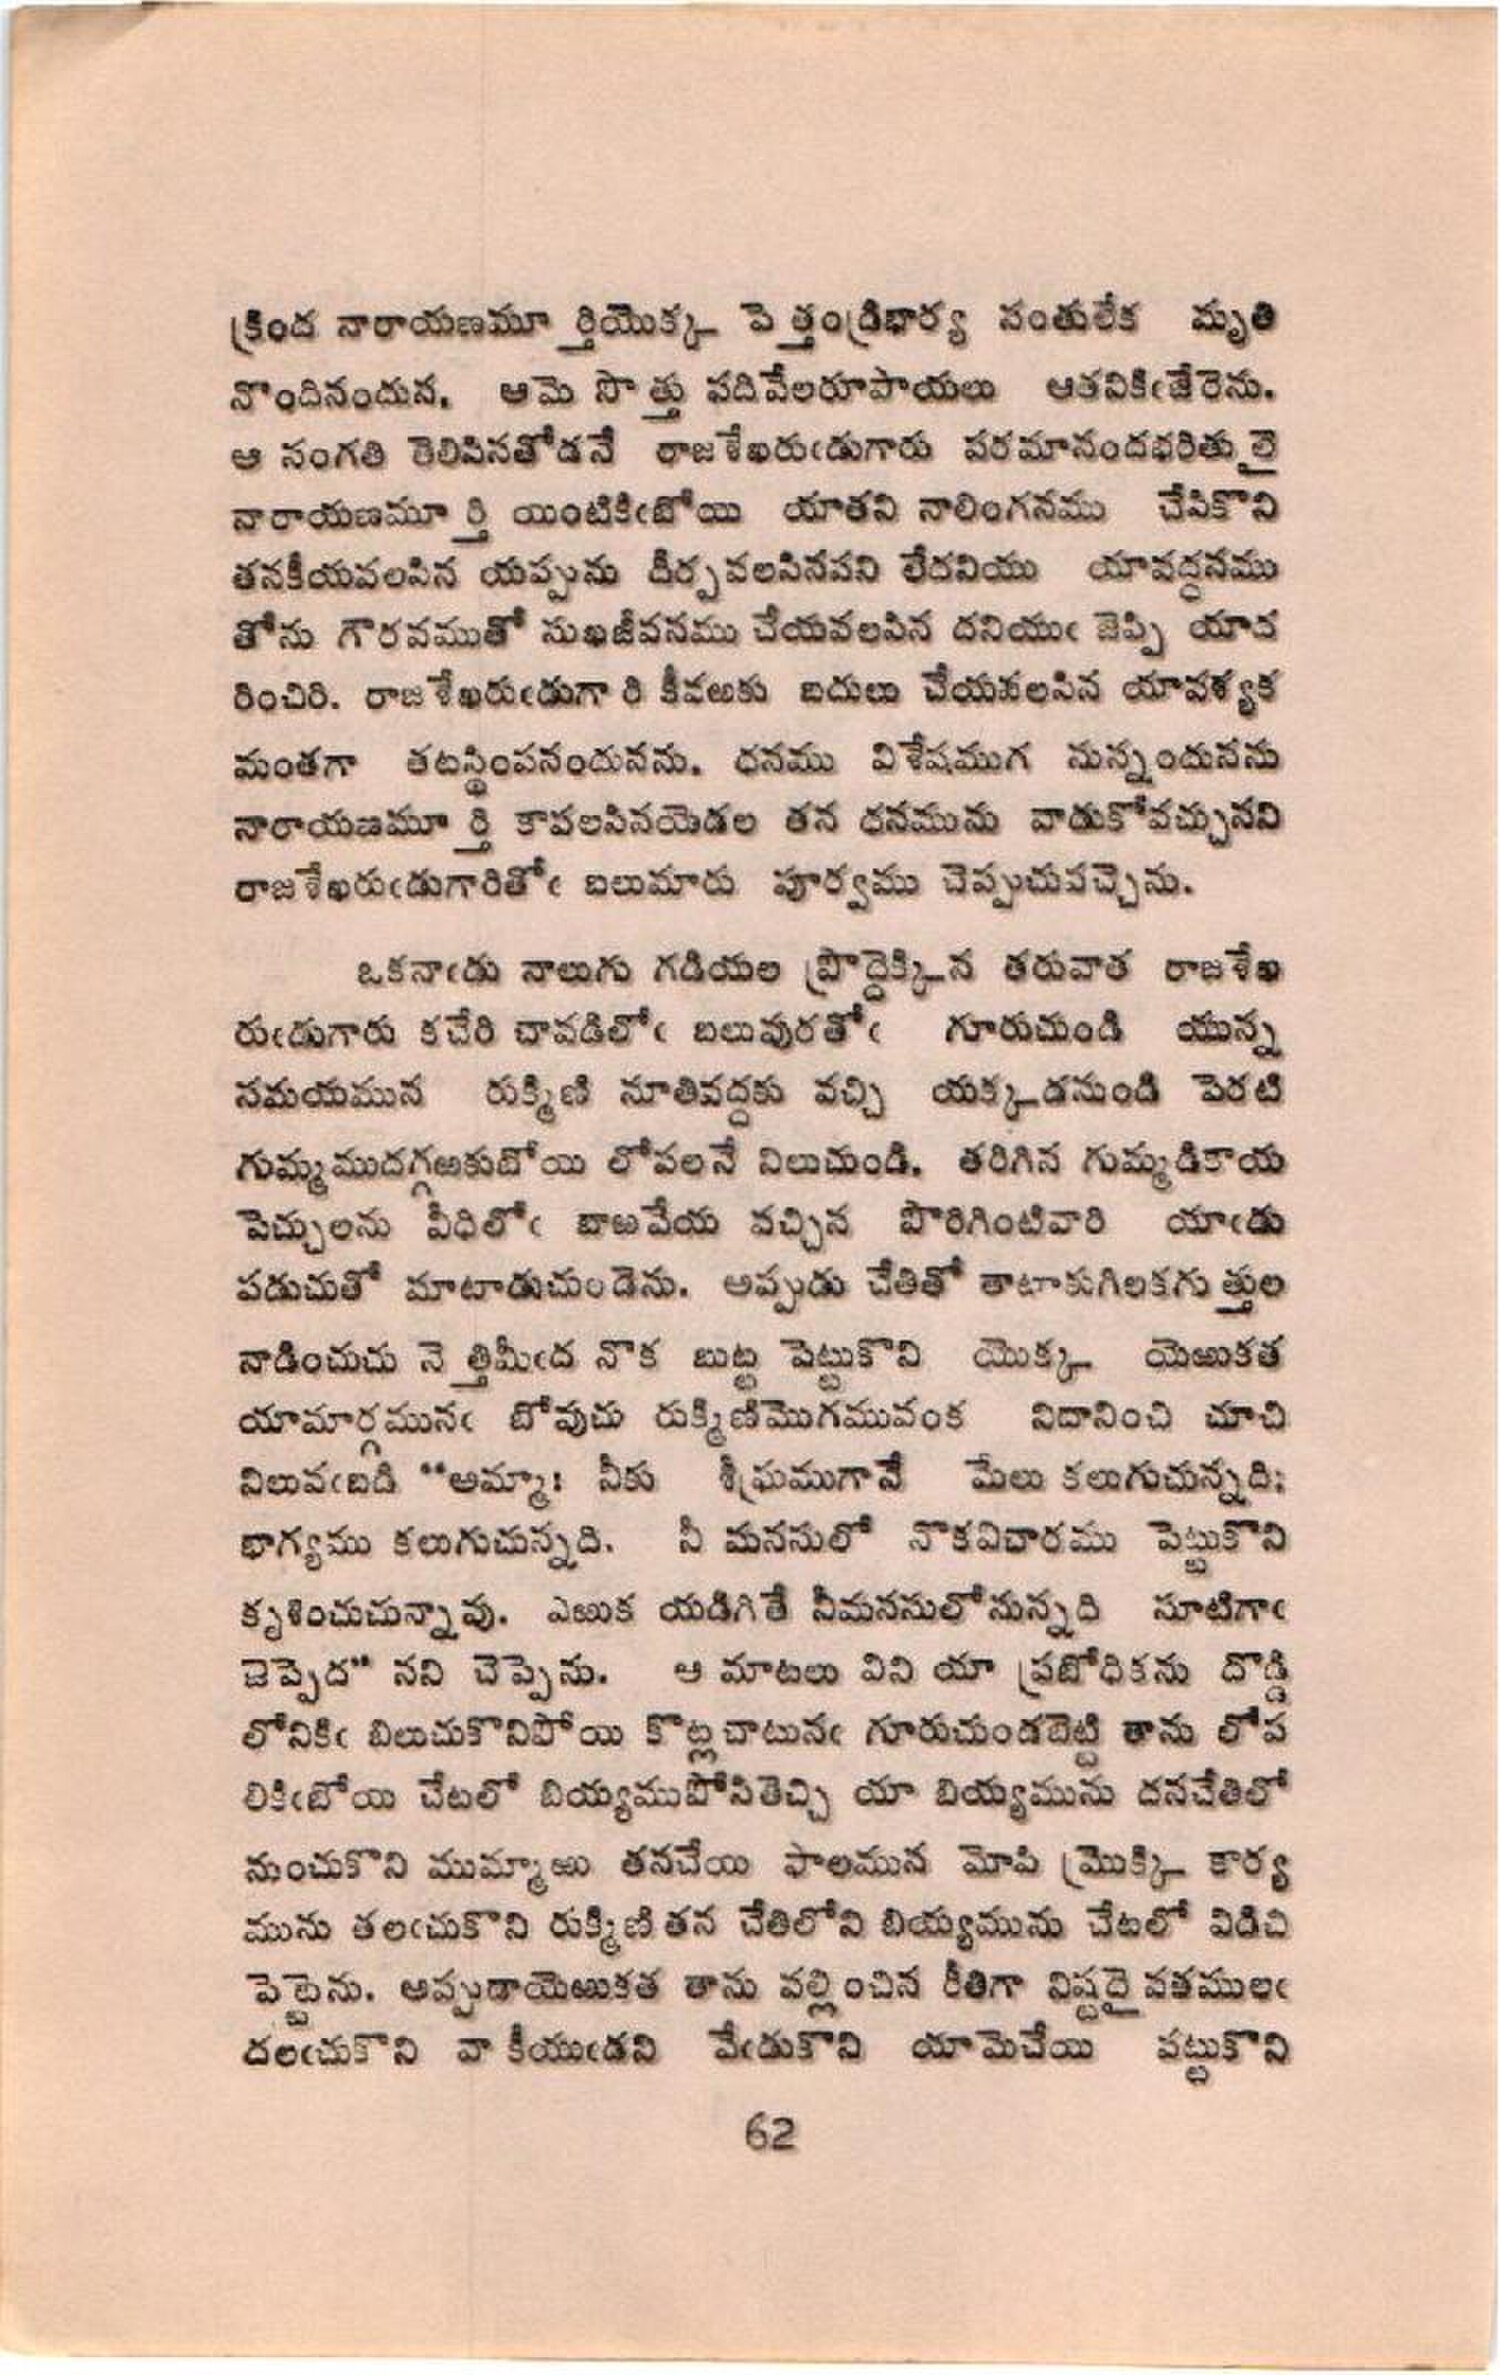క్రింద నారాయణమూర్తియొక్క పెత్తండ్రిభార్య సంతు లేక మృతి నొందినందున, ఆమె సొత్తు పదివేల రూపాయలు ఆతనికిఁజేరెను. ఆ సంగతి తెలిపినతోడనే రాజశేఖరుఁడుగారు పరమానందభరితులై నారాయణమూర్తి యింటికిఁబోయి యాతని నాలింగనము చేసికొని తనకీయవలసిన యప్పును దీర్పవలసినవని లేదనియు యావద్ధనము తోను గౌరవముతో సుఖజీవనము చేయవలసిన దనియుఁజెప్పి యాదరించిరి. రాజశేఖరుఁడుగారి కీవఱకు బదులు చేయవలసిన యావశ్యక మంతగా తటస్టింపనందునను, ధనము విశేషముగ నున్నందునను నారాయణమూర్తి కావలసినయెడల తన ధనమును వాడుకోవచ్చునని రాజశేఖరుడుగారితోఁ బలుమారు పూర్వము చెప్పుచువచ్చెను.

ఒకనాఁడు నాలుగు గడియల ప్రొద్దెక్కిన తరువాత రాజశేఖరుడుగారు కచేరి చావడిలోఁ బలువురతోఁ గూరుచుండి యున్న సమయమున రుక్మిణి నూతివద్దకు వచ్చి యక్కడనుండి పెరటి గుమ్మముదగ్గఱకుబోయి లోపలనే నిలుచుండి, తరిగిన గుమ్మడికాయ పెచ్చులను వీధిలోఁ బాఱవేయ వచ్చిన పొరిగింటివారి యాఁడు పడుచుతో మాటాడుచుండెను. అప్పడు చేతితో తాటాకు గిలక గుత్తుల నాడించుచు నెత్తిమీద నొక బుట్ట పెట్టుకొని యొక్క యొఱుకత యామార్గమునఁ బోవుచు రుక్మిణి మొగమువంక నిదానించి చూచి నిలువబడి "అమ్మా! నీకు శీఘ్రముగానే మేలు కలుగుచున్నది; భాగ్యము కలుగుచున్నది. నీ మనసులో నొకవిచారము పెట్టుకొని కృశించుచున్నావు. ఎఱుక యడిగితే నీమనసులోనున్నది సూటిగా జెప్పెద" నని చెప్పెను. ఆ మాటలు విని యా ప్రబోధికను దొడ్డి లోనికిఁ బిలుచుకొనిపోయి కొట్ల చాటునఁ గూరుచుండబెట్టి తాను లోప లికిఁబోయి చేటలో బియ్యము పోసి తెచ్చి యా బియ్యమును దనచేతిలో నుంచుకొని ముమ్మాఱు తనచేయి పాలమున మోపి మొక్కి కార్య మును తలచుకొని రుక్మిణి తన చేతిలోని బియ్యమును చేటలో విడిచి పెట్టెను. అప్పడాయెఱుకత తాను వల్లించిన రీతిగా నిష్టదైవతములఁ దలఁచుకొని వాకీయుఁడని వేడుకొని యామెచేయి పట్టుకొని